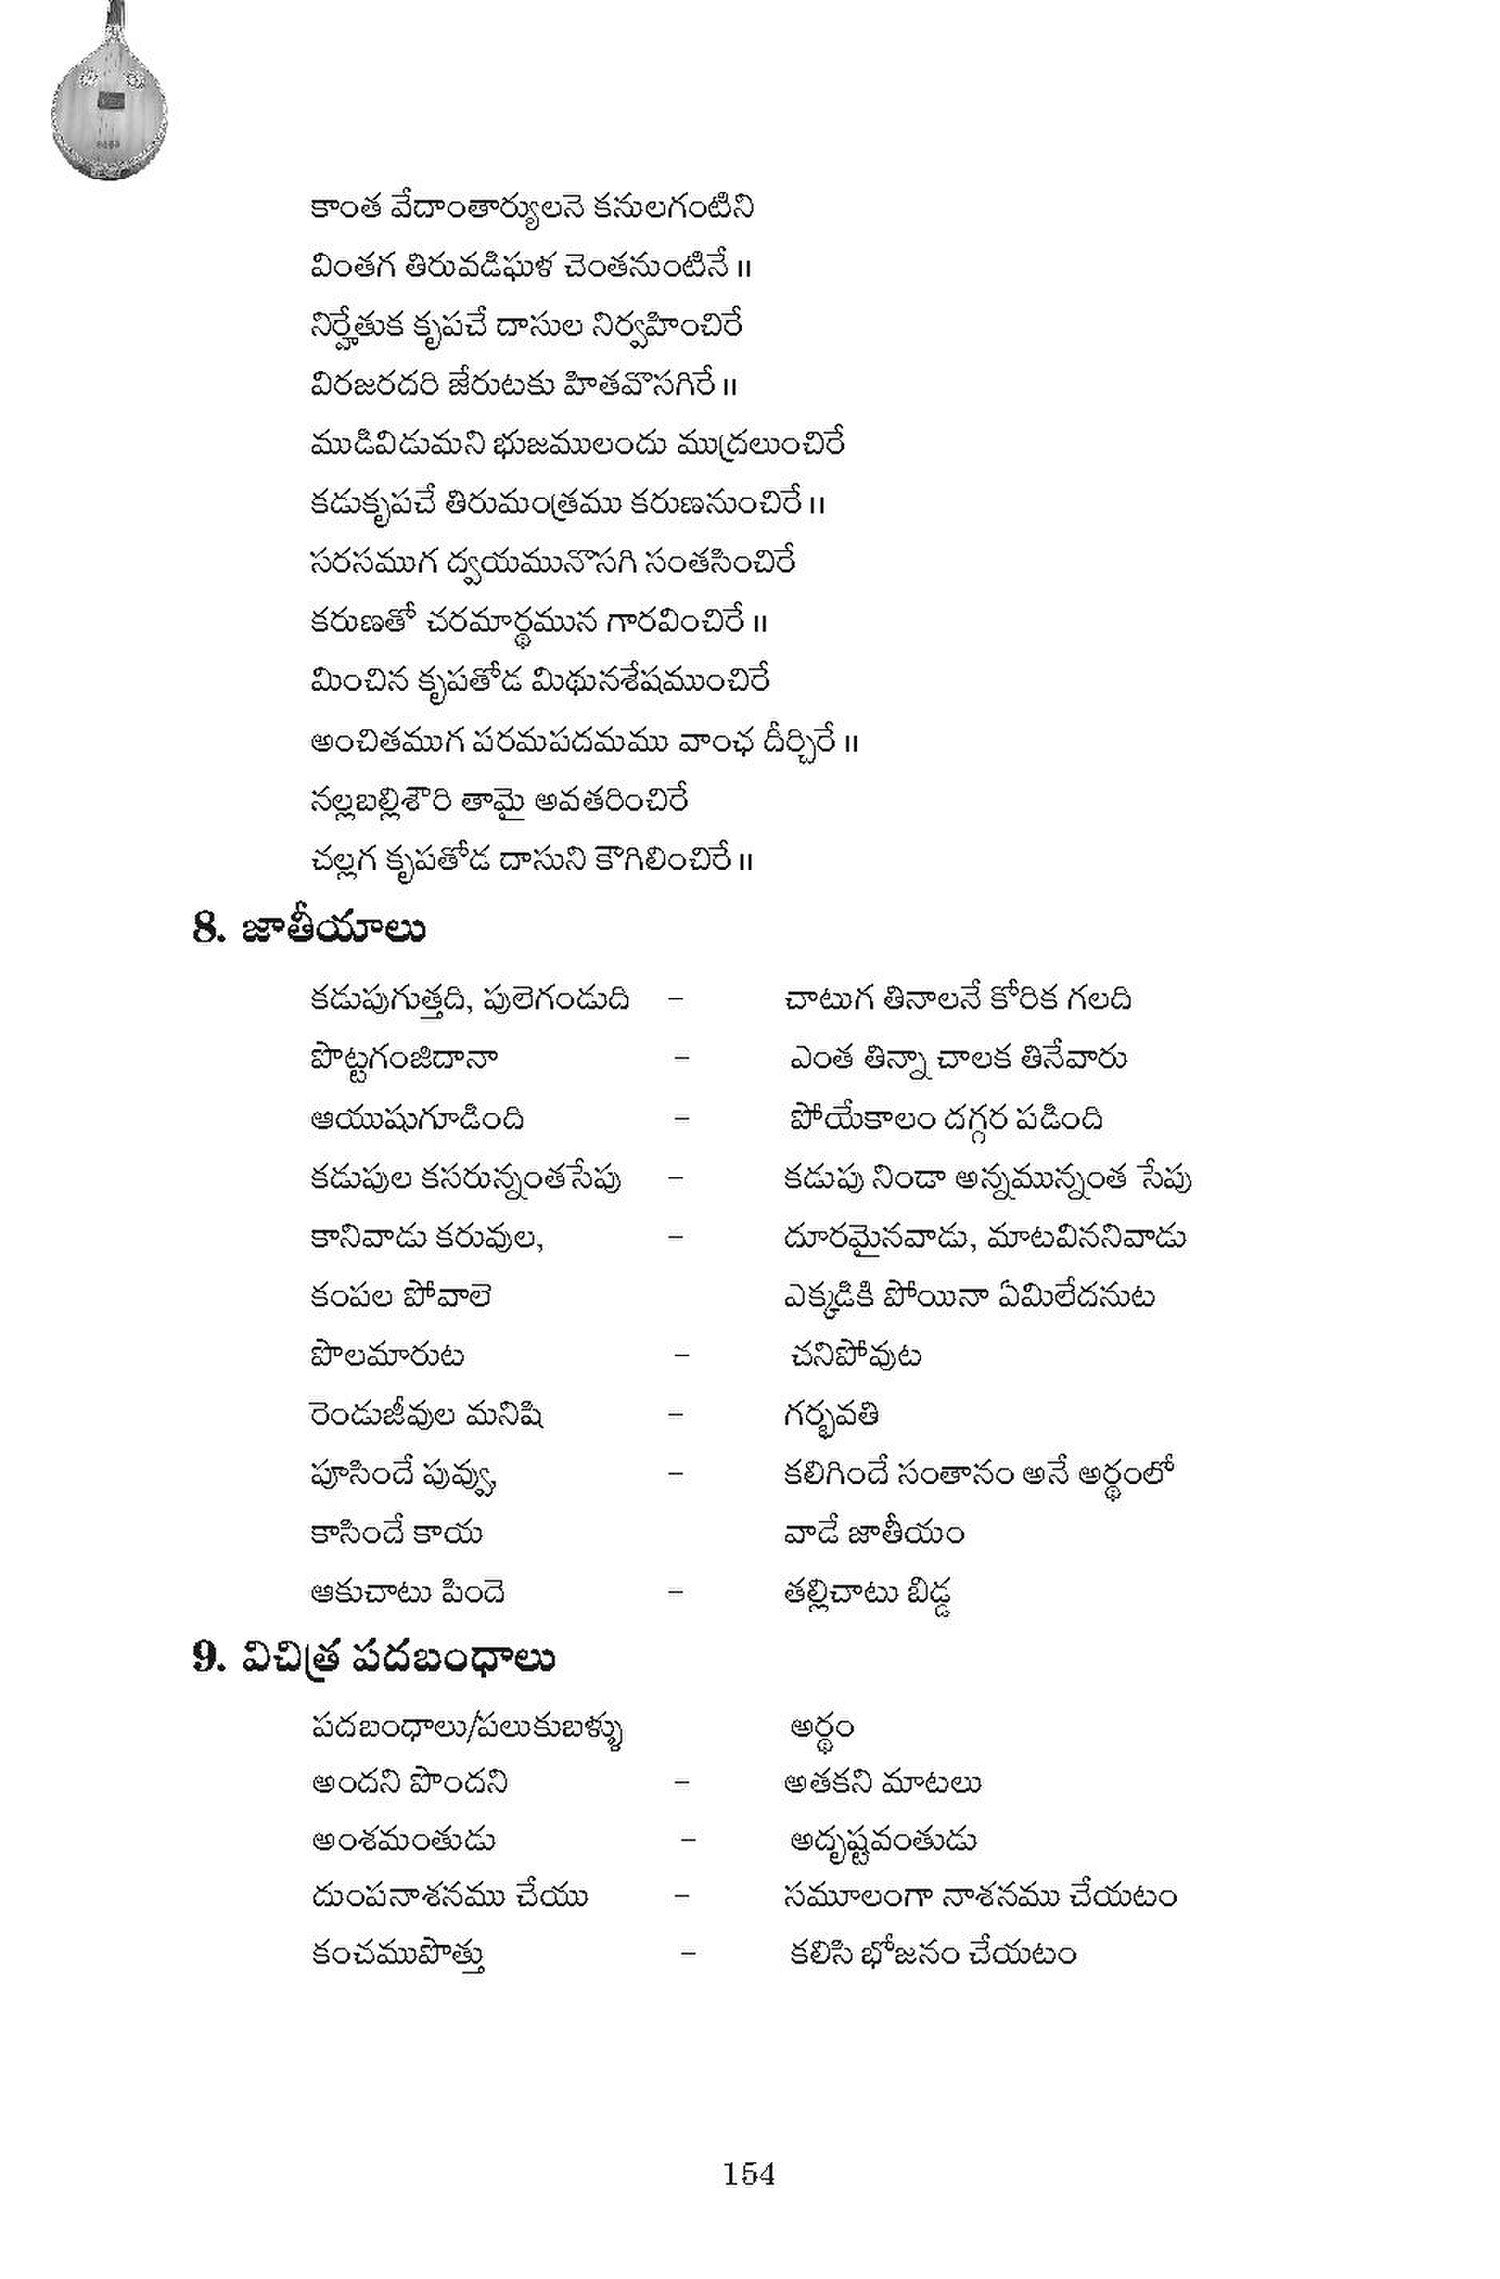కాంత వేదాంతార్యులనె కనులగంటిని
వింతగ తిరువడిఘళ చెంతనుంటినే ॥
నిర్హేతుక కృపచే దాసుల నిర్వహించిరే
విరజరదరి జేరుటకు హితవొసగిరే ॥
ముడివిడుమని భుజములందు ముద్రలుంచిరే
కడుకృపచే తిరుమంత్రము కరుణనుంచిరే ॥
సరసముగ ద్వయమునొసగి సంతసించిరే
కరుణతో చరమార్థమున గారవించిరే ॥
మించిన కృపతోడ మిథునశేషముంచిరే
అంచితముగ పరమపదమము వాంఛ దీర్చిరే ॥
నల్లబల్లిశౌరి తామై అవతరించిరే
చల్లగ కృపతోడ దాసుని కౌగిలించిరే ॥

8. జాతీయాలు 
+ కడుపుగుత్తది, పులెగండుది చాటుగ తినాలనే కోరిక గలది పొట్టగంజిదానా ఎంత తిన్నా చాలక తినేవారు ఆయుషుగూడింది పోయేకాలం దగ్గర పడింది. కడుపుల కసరున్నంతసేపు కడుపు నిండా అన్నమున్నంత సేపు కానివాడు కరువుల, దూరమైనవాడు, మాటవిననివాడు కంపల పోవాలె ఎక్కడికి పోయినా ఏమిలేదనుట పొలమారుట చనిపోవుట రెండుజీవుల మనిషి గర్భవతి పూసిందే పువ్వు, కలిగిందే సంతానం అనే అర్థంలో కాసిందే కాయ వాడే జాతీయం ఆకుచాటు పిందె తల్లిచాటు బిడ్డ

9. విచిత్ర పదబంధాలు 
+ పదబంధాలు/పలుకుబళ్ళు అర్థం అందని పొందని అతకని మాటలు అంశమంతుడు అదృష్టవంతుడు దుంపనాశనము చేయు సమూలంగా నాశనము చేయటం కంచముపొత్తు కలిసి భోజనం చేయటం